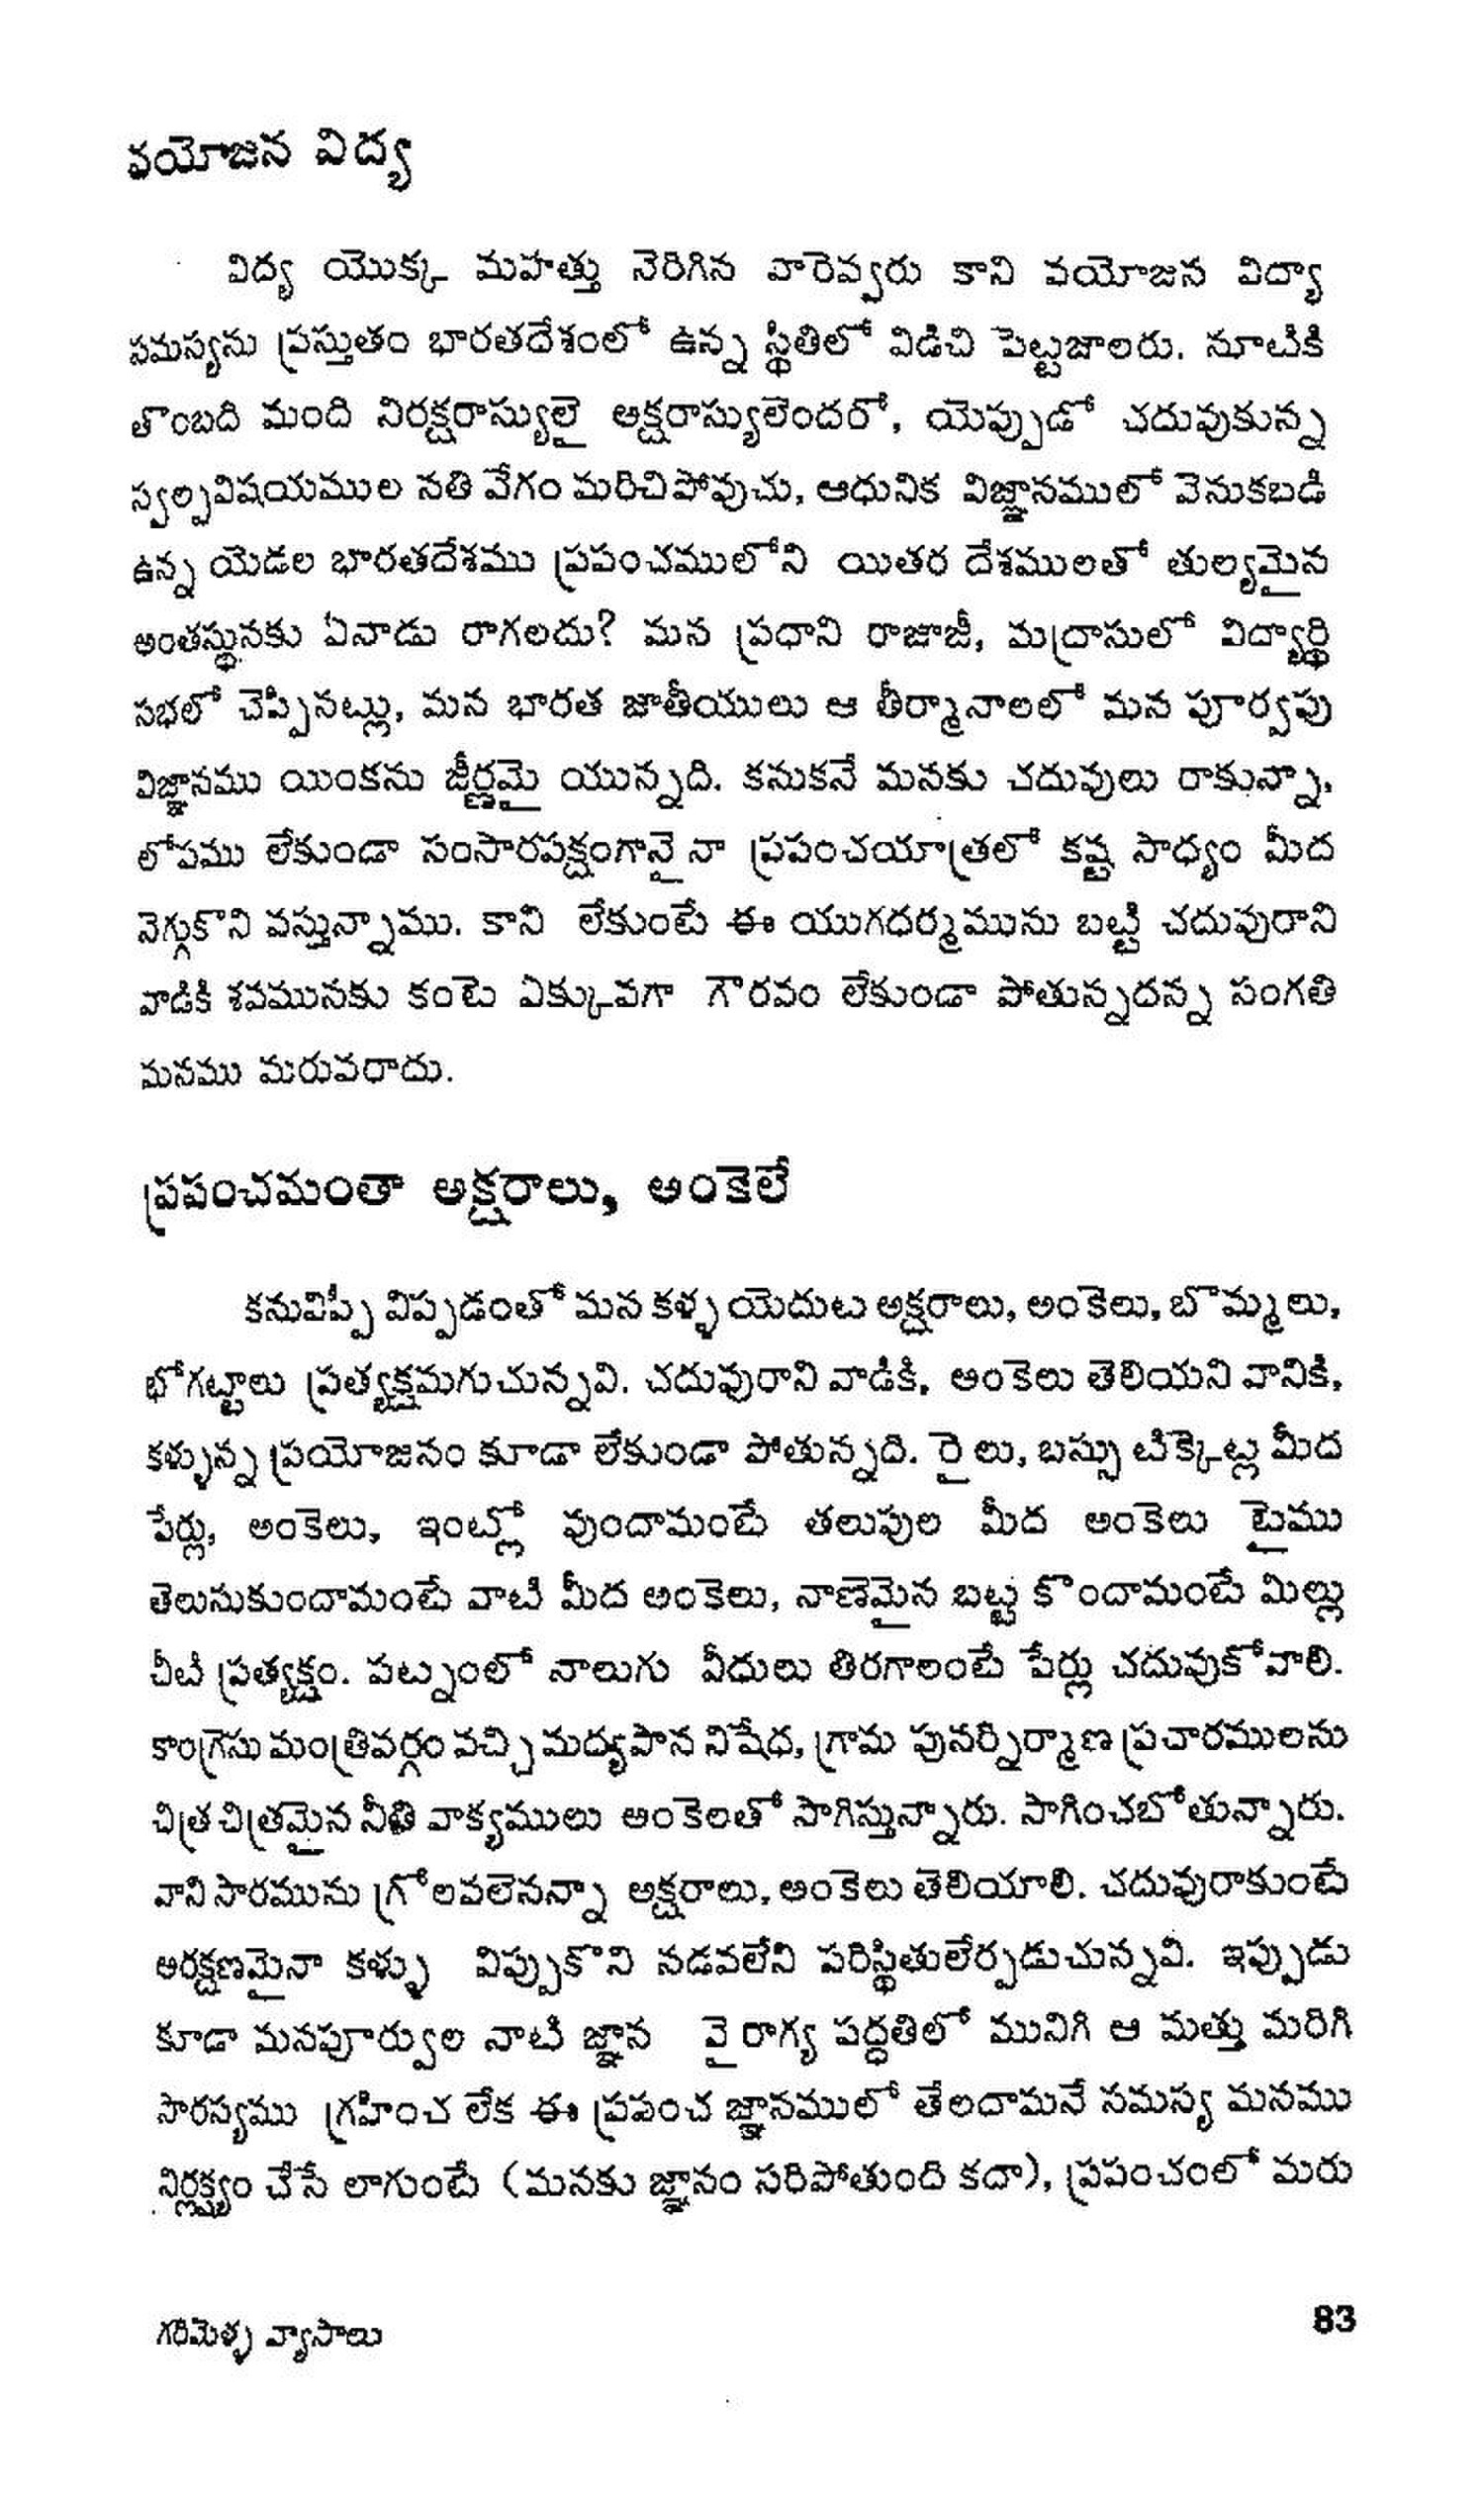వయోజన విద్య
 
విద్య యొక్క మహత్తు నెరిగిన వారెవ్వరు కాని వయోజన విద్యా సమస్యను ప్రస్తుతం భారతదేశంలో ఉన్న స్థితిలో విడిచి పెట్టజాలరు. నూటికి తొంబది మంది నిరక్షరాస్యులై అక్షరాస్యులెందరో , యెప్పుడో చదువుకున్న స్వల్పవిషయముల నతి వేగం మరిచిపోవుచు, ఆధునిక విజ్ఞానములో వెనుకబడి ఉన్న యెడల భారతదేశము ప్రపంచములోని యితర దేశములతో తుల్యమైన అంతస్థునకు ఏనాడు రాగలదు? మన ప్రధాని రాజాజీ, మద్రాసులో విద్యార్థి సభలో చెప్పినట్లు మన భారత జాతీయులు ఆ తీర్మానాలలో మన పూర్వపు విజ్ఞానము యింకను జీర్ణమై యున్నది. కనుకనే మనకు చదువులు రాకున్నా, లోపము లేకుండా సంసారపక్షంగానైనా ప్రపంచయాత్రలో కష్ట సాధ్యం మీద నెగ్గుకొని వస్తున్నాము. కాని లేకుంటే ఈ యుగధర్మమును బట్టి చదువురాని వాడికి శవమునకు కంటె ఎక్కువగా గౌరవం లేకుండా పోతున్నదన్న సంగతి మనము మరువరాదు.

ప్రపంచమంతా అక్షరాలు, అంకెలే
 
కనువిప్పి విప్పడంతో మన కళ్ళ యెదుట అక్షరాలు, అంకెలు, బొమ్మలు, భోగట్టాలు ప్రత్యక్షమగుచున్నవి. చదువురాని వాడికి, అంకెలు తెలియని వానికి, కళ్ళున్న ప్రయోజనం కూడా లేకుండా పోతున్నది. రైలు, బస్సుటిక్కెట్ల మీద పేర్లు, అంకెలు, ఇంట్లో వుందామంటే తలుపుల మీద అంకెలు టైము తెలుసుకుందామంటే వాటి మీద అంకెలు, నాణెమైన బట్ట కొందామంటే మిల్లు చీటి ప్రత్యక్షం. పట్నంలో నాలుగు వీధులు తిరగాలంటే పేర్లు చదువుకోవాలి. కాంగ్రెసుమంత్రివర్గంవచ్చి మధ్యపాన నిషేధ, గ్రామ పునర్నిర్మాణ ప్రచారములను చిత్రచిత్రమైన నీతి వాక్యములు అంకెలతో సాగిస్తున్నారు. సాగించబోతున్నారు. వాని సారమును గ్రోలవలెనన్నా అక్షరాలు, అంకెలు తెలియాలి. చదువురాకుంటే అరక్షణమైనా కళ్ళు విప్పుకొని నడవలేని పరిస్థితులేర్పడుచున్నవి. ఇప్పుడు కూడా మనపూర్వుల నాటి జ్ఞాన వైరాగ్య పద్దతిలో మునిగి ఆ మత్తు మరిగి సారస్యము గ్రహించలేక ఈ ప్రపంచ జ్ఞానములో తేలదామనే సమస్య మనము నిర్లక్ష్యం చేసే లాగుంటే (మనకు జ్ఞానం సరిపోతుంది కదా). ప్రపంచంలో మరు